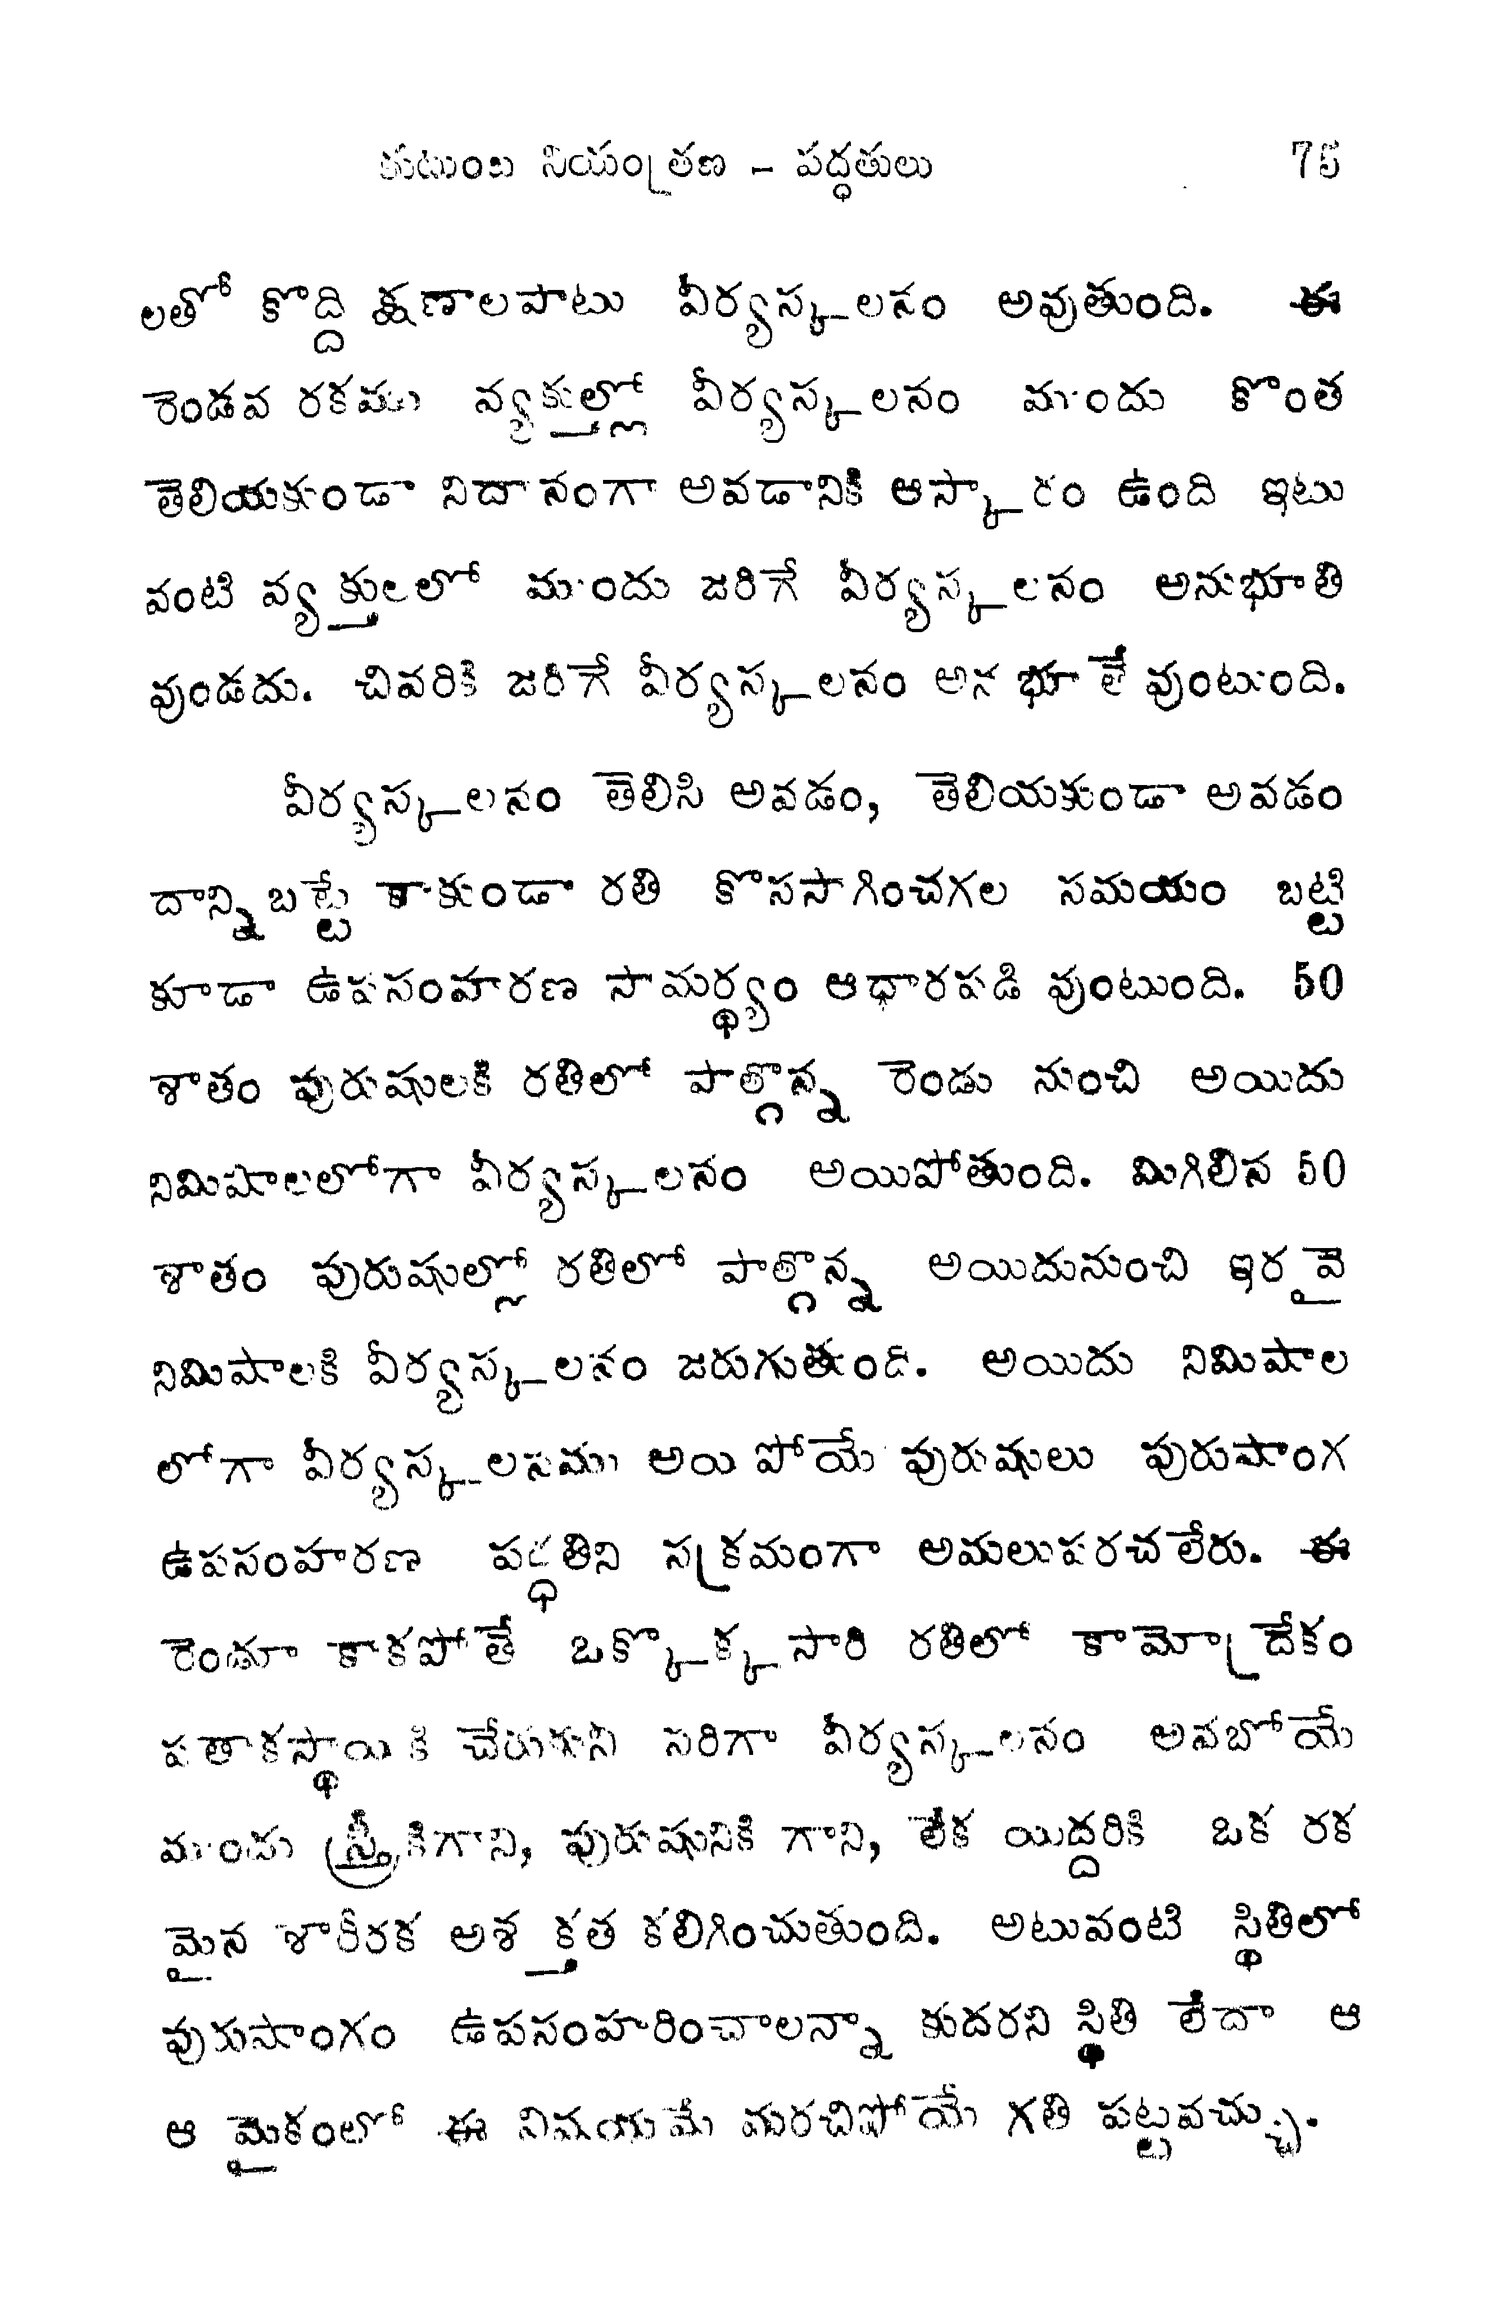లతో కొద్ది క్షణాలపాటు వీర్యస్కలనం అవుతుంది. ఈ రెండవ రకము వ్యక్తుల్లో వీర్యస్కలనం ముందు కొంత తెలియకుండా నిదానంగ అవడానికి ఆస్కారం ఉంది. ఇటువంటి వ్యక్తులలో ముందు జరిగే వీర్యస్కలనం అనుభూతి వుండదు. చివరికి జరిగే వీర్యస్కలనం అనుభూతే వుంటుంది.

వీర్యస్కలనం తెలిసి అవడం, తెలియకుండా అవడం దాన్నిబట్టే కాకుండా రతి కొనసాగించగల సమయం బట్టి కూడా ఉపసంహరణ సామర్ధ్యం ఆధారపడి వుంటుంది. 50 శాతం పురుషులకి రతిలో పాల్గొన్న రెండు నుంచి అయిదు నిమిషాలలోగా వీర్యస్కలనం అయిపోతుంది. మిగిలిన 50 శాతం పురుషుల్లో రతిలో పాల్గొన్న అయిదునుంచి ఇరవై నిమిషాలకి వీర్యస్కలనం జరుగుతుంది. అయిదు నిమిషాలలోగా వీర్యస్కలనము అయిపోయే పురుషులు పురుషాంగ ఉపసంహరణ పద్దతిని సక్రమంగా అమలుపరచలేరు. ఈ రెండూ కాకపోతే ఒక్కొక్కసారి రతిలో కామోద్రేకం పతాకస్థాయికి చేరుకుని సరిగా వీర్యస్కలనం అవబోయే ముందు స్త్రీకిగాని, పురుషునికి గాని, లేక యిద్దరికి ఒక రకమైన శారీరక అశక్తత కలిగించుతుంది. అటువంటి స్థితిలో పురుషాంగం ఉపసంహరించాలన్నా కుదరని స్థితి లేదా ఆ మైకంలో ఈ విషయమే మరచిపోయే గతి పట్టవచ్చు.